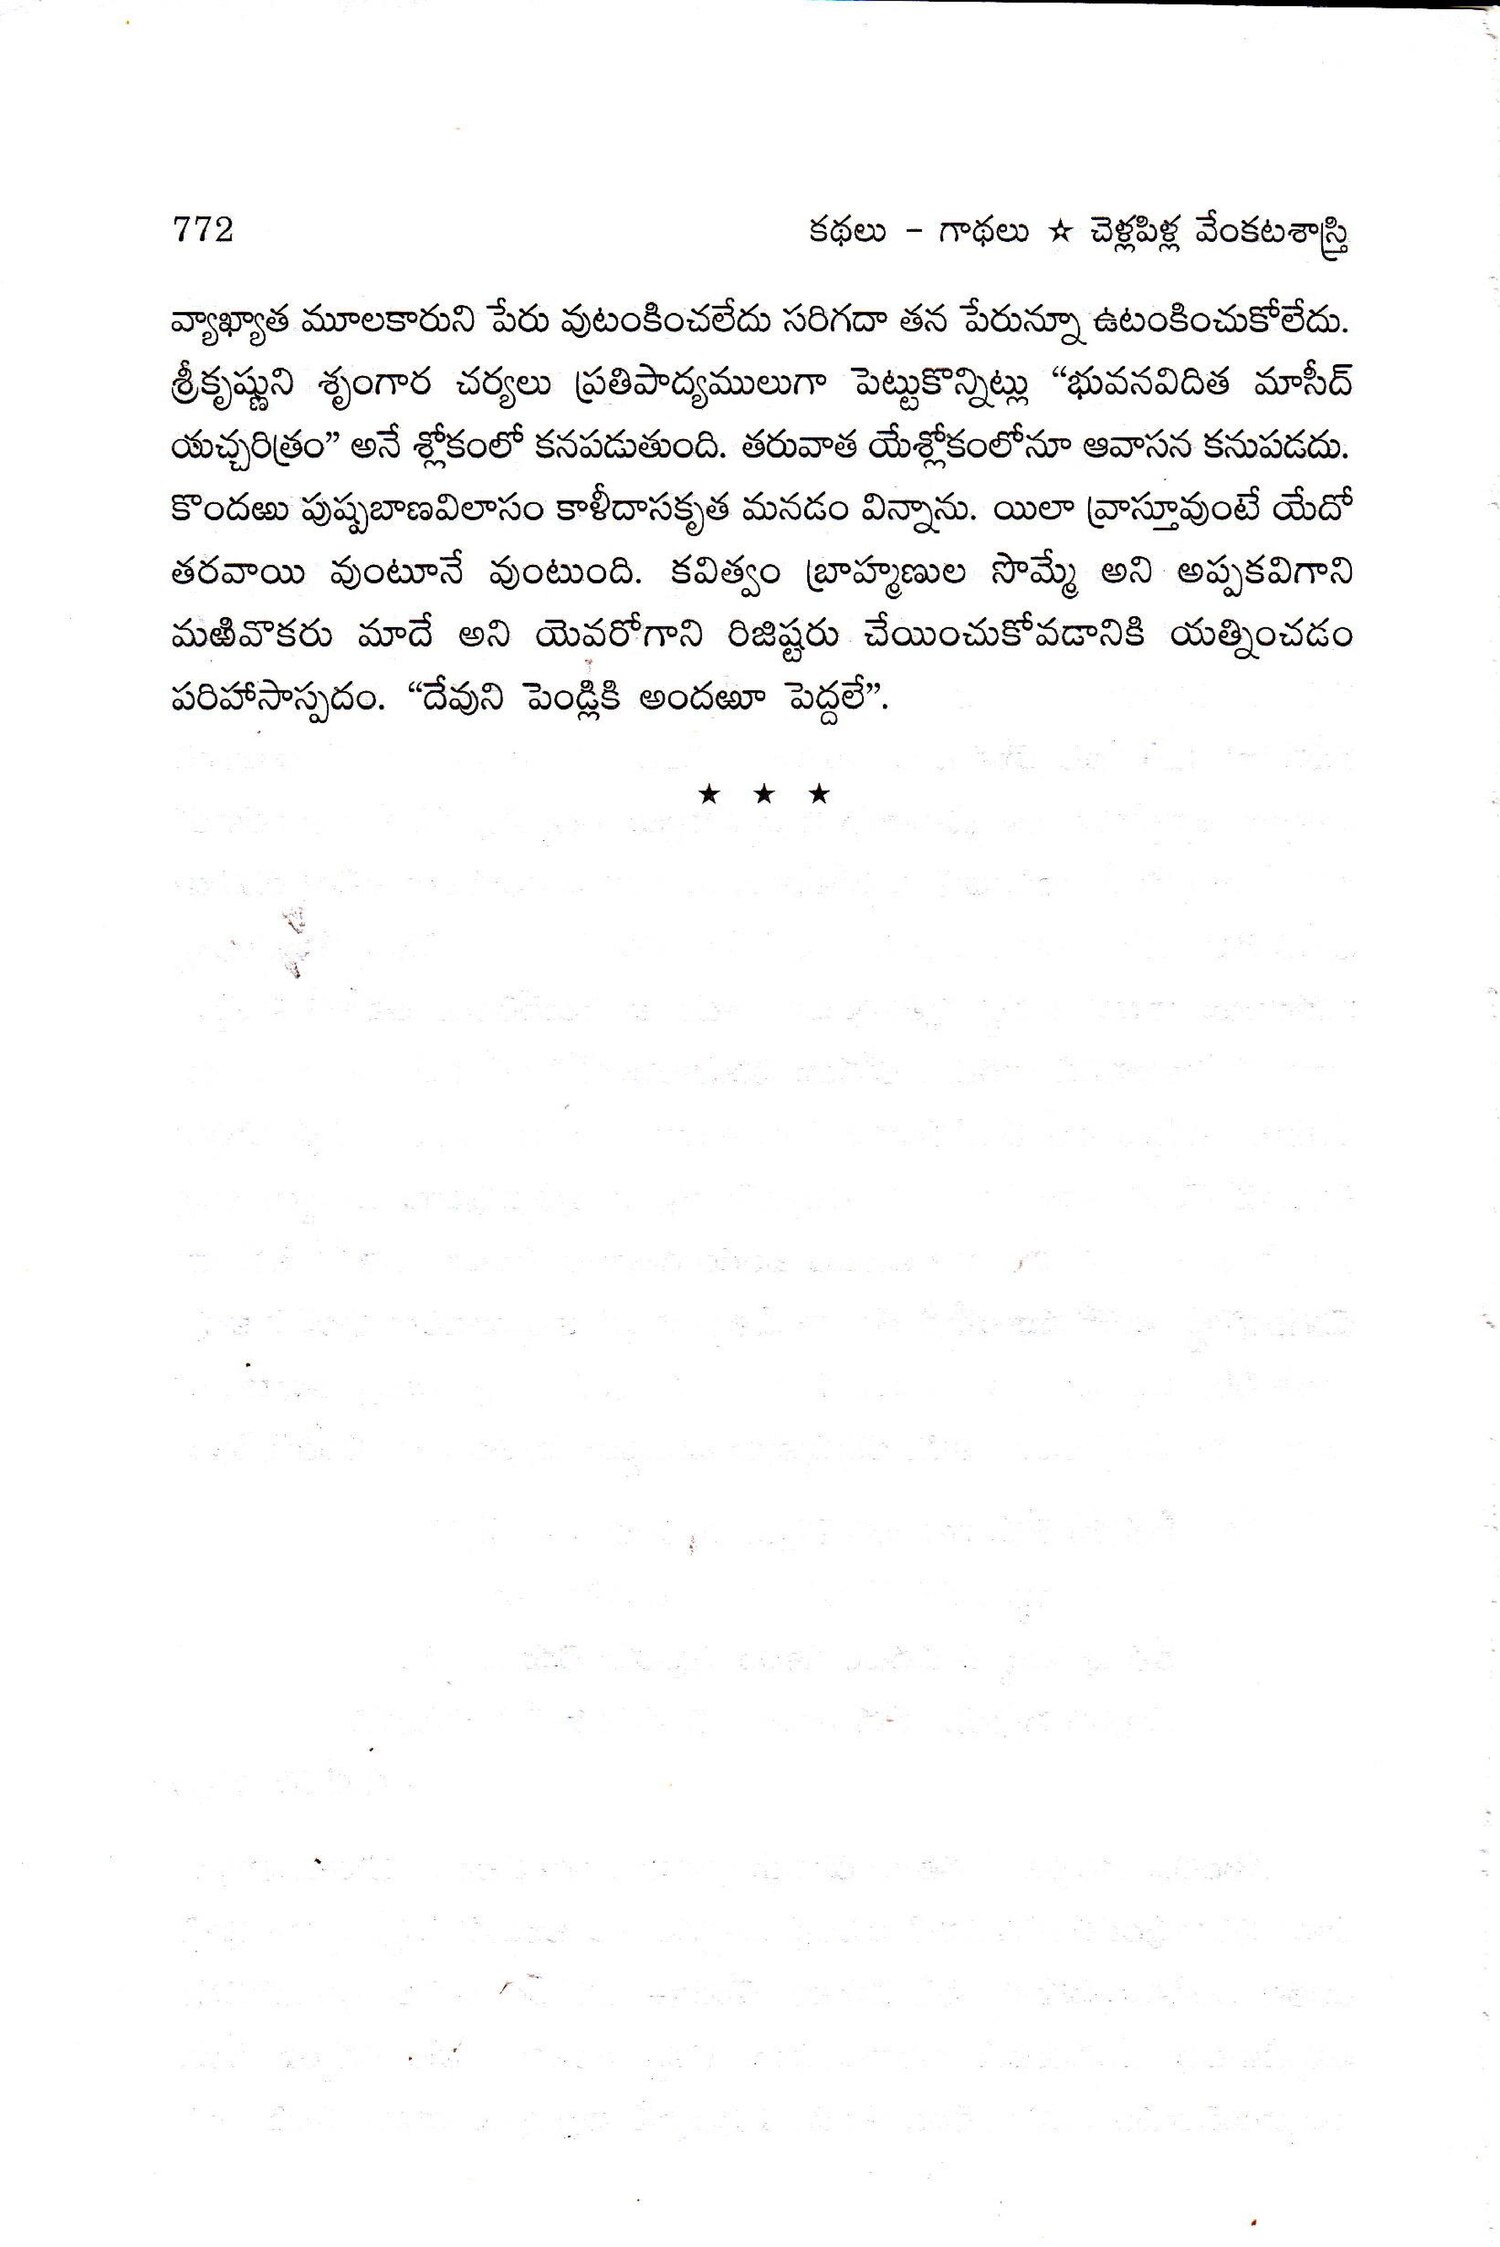వ్యాఖ్యాత మూలకారుని పేరు వుటంకించలేదు సరిగదా తన పేరున్నూ ఉటంకించుకోలేదు. శ్రీకృష్ణుని శృంగార చర్యలు ప్రతిపాద్యములుగా పెట్టుకొన్నిట్లు "భువనవిదిత మాసీద్ యచ్ఛరిత్రం” అనే శ్లోకంలో కనపడుతుంది. తరువాత యేశ్లోకంలోనూ ఆవాసన కనుపడదు. కొందఱు పుష్పబాణవిలాసం కాళీదాసకృత మనడం విన్నాను. యిలా వ్రాస్తూవుంటే యేదో తరవాయి వుంటూనే వుంటుంది. కవిత్వం బ్రాహ్మణుల సొమ్మే అని అప్పకవిగాని మఱివొకరు మాదే అని యెవరోగాని రిజిష్టరు చేయించుకోవడానికి యత్నించడం పరిహాసాస్పదం. “దేవుని పెండ్లికి అందఱూ పెద్దలే".